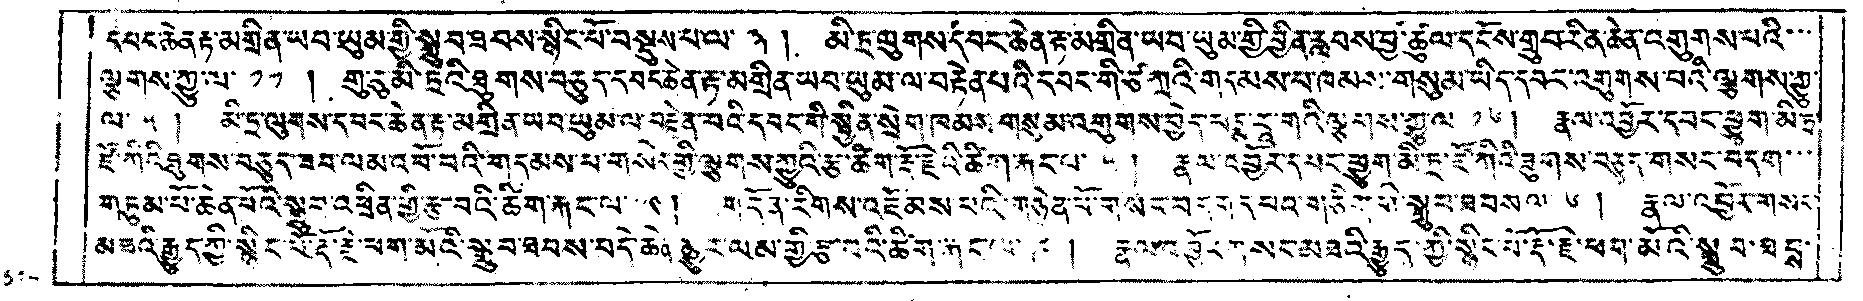དབང་ཆེན་རྟ་མགྲིན་ཡབ་ཡུམ་གྱི་སྒྲུབ་ཐབས་སྙིང་པོ་བསྡུས་པ་ལ ༣། མི་ཏྲ་ལུགས་དབང་ཆེན་རྟ་མགྲིན་ཡབ་ཡུམ་གྱི་བྱིན་རླབས་བྱ་ཚུལ་དངོས་གྲུབ་རིན་ཆེན་འགུགས་པའི་
ལྕགས་ཀྱུ་ལ ༡༡། གུ་རུ་མི་ཏྲའི་ཐུགས་བཅུད་དབང་ཆེན་རྟ་མགྲིན་ཡབ་ཡུམ་ལ་བརྟེན་པའི་དབང་གི་ཙ་ཀྲའི་གདམས་པ་ཁམས་གསུམ་ཡིད་དབང་འགུགས་པའི་ལྕགས་ཀྱུ་
ལ ༥། མི་ཏྲ་ལུགས་དབང་ཆེན་རྟ་མགྲིན་ཡབ་ཡུམ་ལ་བརྟེན་པའི་དབང་གི་སྦྱིན་སྲེག་ཁམས་གསུམ་འགུགས་བྱེད་པདམ་རཱ་གའི་ལྕགས་ཀྱུ་ལ ༡༦། རྣལ་འབྱོར་དབང་ཕྱུག་མི་ཏྲ་
ཛོ་ཀིའི་ཐུགས་བཅུད་ཟབ་ལམ་འཕོ་བའི་གདམས་པ་གསེར་གྱི་ལྕགས་ཀྱུའི་རྩ་ཚིག་རྡོ་རྗེའི་ཚིག་རྐང་ལ ༥། རྣལ་འབྱོར་དབང་ཕྱུག་མི་ཏྲ་ཛོ་ཀིའི་ཐུགས་བཅུད་གསང་བདག་
གཏུམ་པོ་ཆེན་པོའི་སྒྲུབ་འཕྲིན་གྱི་རྩ་བའི་ཚིག་རྐང་ལ ༡༤། གདོན་རིགས་འཇོམས་པའི་གཉེན་པོ་གསང་བདག་དཔའ་གཅིག་གི་སྒྲུབ་ཐབས་ལ ༦། རྣལ་འབྱོར་གསང་
མཐའི་རྒྱུད་ཀྱི་སྙིང་པོ་རྡོ་རྗེ་ཕག་མོའི་སྒྲུབ་ཐབས་བདེ་ཆེན་མྱུར་ལམ་གྱི་རྩ་བའི་ཚིག་རྐང་ལ ༩། རྣལ་འབྱོར་གསང་མཐའི་རྒྱུད་ཀྱི་སྙིང་པོ་རྡོ་རྗེ་ཕག་མོའི་སྒྲུབ་ཐབས་